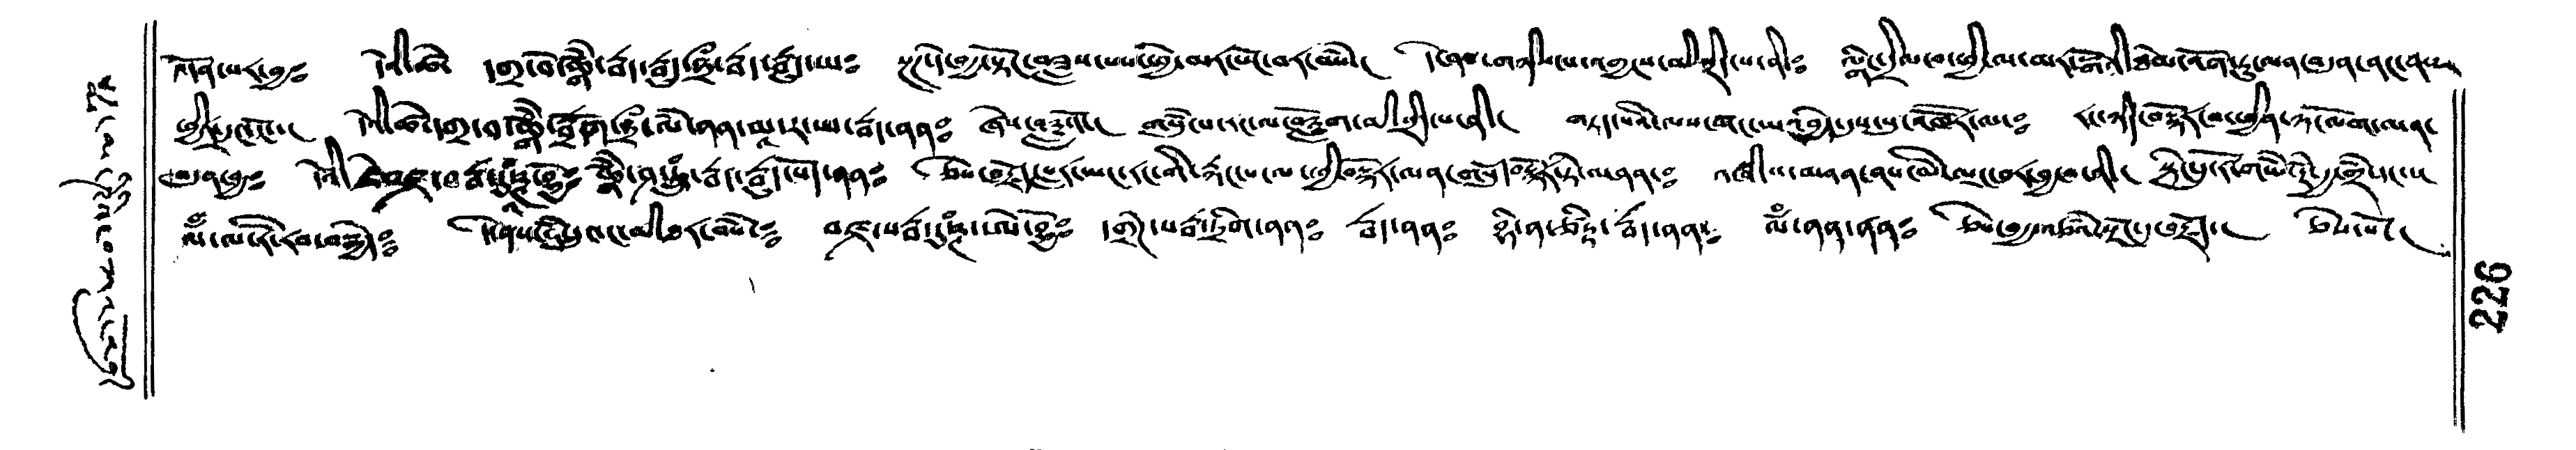འདོན་པར་བྱ། དེའི་ཚེ། དགྲ་བོ་ཆེ་གེ་མོ་རྦད་རྦུད་ནྲྀ་རྦད་རྦུད་ཡ༔ སྔགས་དེ་བརྒྱ་སྟོང་བཟླས་པས་ཕྱེ་མར་སོང་བར་བསམ། དེ་ནས་གཉིས་པ་འགྱངས་མི་སྲིད་པ་ནི། ལིངྒ་དྲིལ་བ་ཕྱི་ལ་མར་སྒོའི་ཐེམ་འོག་ཏུ་ལན་བདུན་ནང་ནས་
ཕྱིར་དྲང་ངོ་། དེའི་ཚེ། དགྲ་བོ་ཆེ་གེ་མོ་སྲོག་ནྲྀ་ལམ་ནན་མཱ་ར་ཡ་རྦད་ནན༔ ཞེས་བཟླའོ། གསུམ་པ་རང་ལ་བཟློག་མི་སྲིད་པ་ནི། གཏད་པའི་ལས་གང་ཡང་བྱེད་དུས་སུ་འཁོར་ལོ་ལ། རང་ཉིད་བསྐོར་བ་ཕྱིར་ལོག་ལན་
བདུན་བྱ། དེའི་ཚེ། བཛྲ་སརྦ་དུཥྛཱཾ་བྷྱོཿཆེ་གེ་མོ་ཤ་ཏྲུཾ་རྦད་རྦུད་སོད་ནན༔ ཅེས་བརྗོད་སླར་ཡང་རང་གི་རྐང་པ་ལ་ཕྱི་བསྐོར་ལན་གསུམ་སྐོར་ཏེ་མནན། བཞི་པ་མནན་ནས་མི་ལྡང་བར་བྱ་བ་ནི། སྟེང་དུ་རོ་གཡམ་རྡོ་རྗེ་རྒྱ་གྲམ་དང་། 
ལྃ་ལ་རི་རབ་བསྐྱེད། དེ་ནས་ནམ་དུའང་མི་ཐར་བར་བསམ། བཛྲ་སརྦ་དུཥྛཾ་ཨེ་བྷྱོ༔ དགྲ་བགེགས་སརྦ་ཏྲིག་ནནཿརྦད་ནན༔ བྷི་ན་ཙིཏྟ་རྦད་ནན༔ ལྃ་ནན་ནན༔ ཅེས་བརྒྱ་རྩའམ་སྟོང་དུ་བརྗོད། ཅེས་སོ།། །།